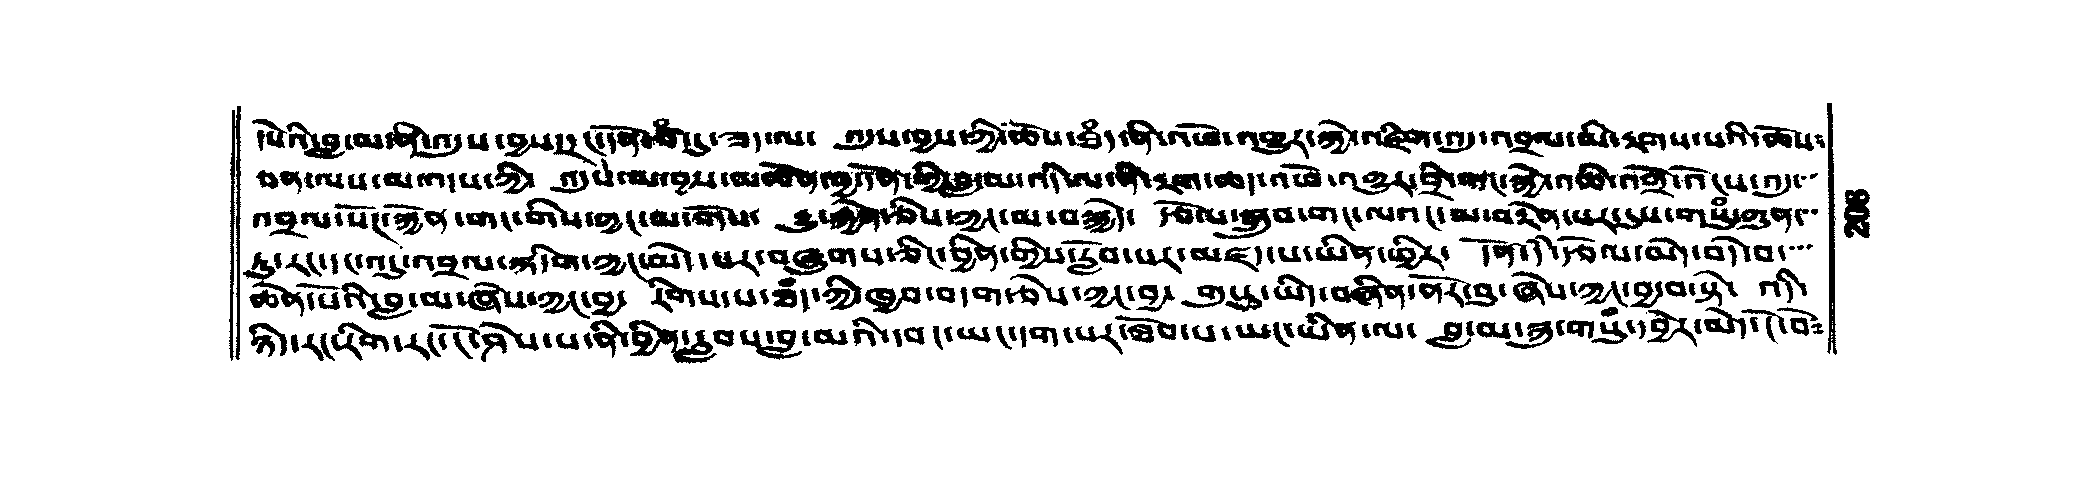དཔེའི་བླ་མ་ནི་འདུས་བྱས་དྲང་དོན་ཙམ་དུ་ཟད་ལ། འདུས་བྱས་ཀྱི་ཆོས་ཐམས་ཅད་ནི་འཕོ་འགྱུར་སྐྱེ་འཇིག་འདུ་འབྲལ་མི་རྟགས་པའི་ཆོས་
ཅན་ལས་མ་འདས་ཀྱི། འདུས་མ་བྱས་མཚོན་བྱ་དོན་གྱི་བླ་མ་འདི་ལ་ནི་རྟག་ཆད་འཕོ་འགྱུར་བྲི་གང་སྐྱེ་འཆི་འགྲོ་འོང་འདུ་
འབྲལ་སོགས་སྐྱོན་གང་གིས་ཀྱང་མ་གོས། རྒྱུ་རྐྱེན་ཅིས་ཀྱང་མ་བསྐྱེད། རྩོལ་སྒྲུབ་གང་ལའང་མ་བརྟེན་པར་དུས་གསུམ་ཀུན་
ཏུ་རང་དང་འདུ་འབྲལ་སྐད་ཅིག་ཀྱང་མེད་པར་བཞུགས་ཅིང་བྱིན་གྱིས་རློབ་པར་མཛད་པ་ཡིན་ཕྱིར། དོན་དམ་རྩོལ་མེད་བདེ་བ་
ཆེན་པོའི་བླ་མ་ཞེས་ཀྱང་བྱ། རིགས་པ་ཐམས་ཅད་ཀྱི་ཁྱབ་བདག་ཅེས་ཀྱང་བྱ། གུ་རུ་ཡིད་བཞིན་ནོར་བུ་ཞེས་ཀྱང་བྱ་བ་སྟེ། འདི་
ཉིད་རང་རིག་རང་ངོ་ཤེས་པ་ནི་བྱིན་རླབས་བླ་མེའི་དབང་ཡང་དག་པར་ཐོབ་པ་ཡང་ཡིན་ལ། བླ་མ་སྐུ་གསུམ་དབྱེར་མེད་ངོ་བོ་